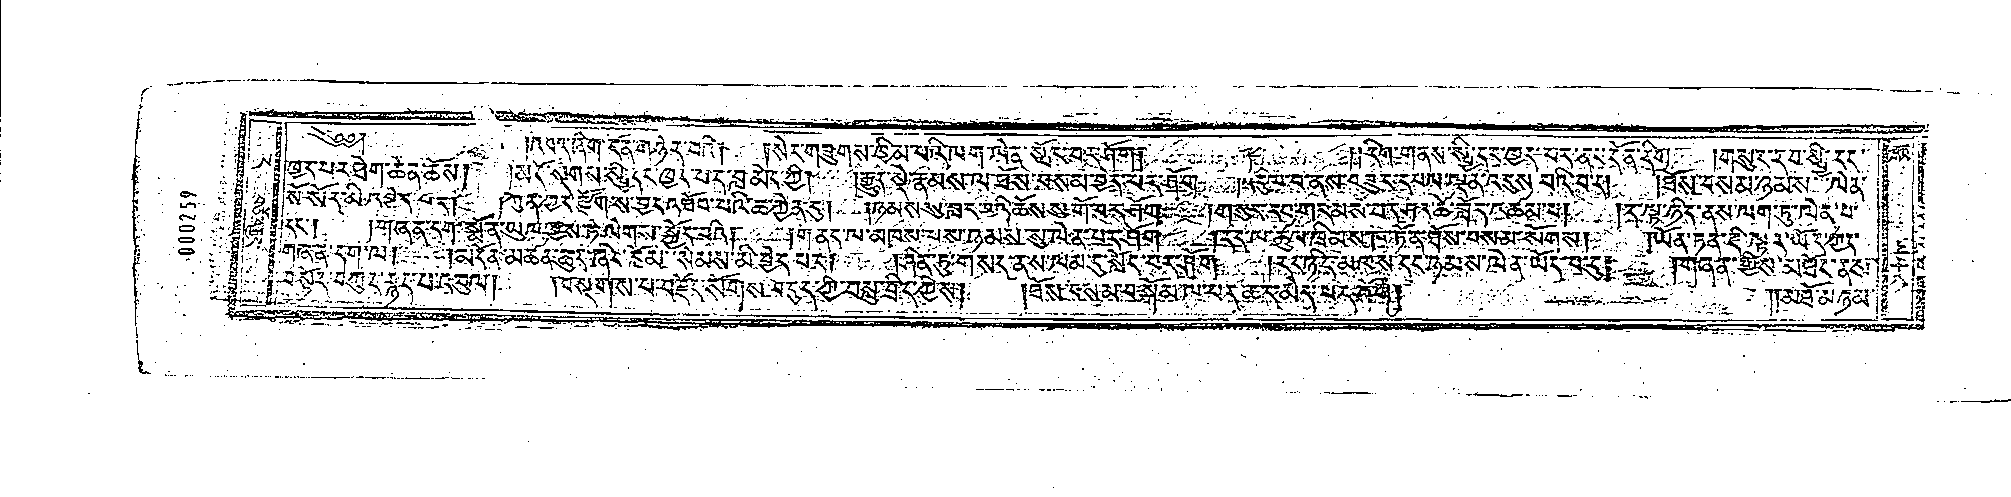༄༅། །འབའ་ཞིག་དོན་གཉེར་བའི། །སེང་གཟུགས་ཁྱིམ་པའི་ལག་ལེན་སྤོང་བར་ཤོག། ༈ །།རིག་གནས་སྤྱི་དང་ཁྱད་པར་ནང་དོན་རིག །གསུང་རབ་སྤྱི་དང་
ཁྱད་པར་ཐེག་ཆེན་ཆོས། །མདོ་སོགས་སྤྱི་དང་ཁྱད་པར་བླ་མེད་ཀྱི། །རྒྱུད་སྡེ་རྣམས་ལ་ཐོས་བསམ་བྱེད་པར་ཤོག །འདུལ་བ་ནས་བཟུང་དཔལ་ལྡན་འདུས་པའི་བར། །ཐོས་བསམ་ཉམས་ལེན་
སོ་སོར་མི་འབྱེད་པར། །ཀུན་ཀྱང་རྫོགས་བྱང་འཐོབ་པའི་ཆ་ཀྱེན་དུ། །ཉམས་སུ་བླང་བྱའི་ཆོས་སུ་གོ་བར་ཤོག །གསུང་རབ་གང་མས་པང་ཤང་ཚེ་བློང་འཚམ་པ། །ད་ལྟ་ཉིད་ནས་ལག་ཏུ་ལེན་པ་
དང་། །གཞན་དག་སྨོན་ཡུལ་བྱས་ཏེ་ལེགས་སྐྱོད་བཞི། །གནང་ལ་མཁས་པས་ཉམས་སུ་ལེན་པར་ཤོག །རང་ལ་ཚུལ་ཁྲིམས་ཁ་ཏོན་ཐོས་བསམ་སོགས། །ཡོན་ཏན་ཇི་ལྟར་ཡོང་ཀྱང་
གཞན་དག་ལ། །མངོན་མཚན་ཆུད་ཞིང་བློམ་སེམས་མི་བྱེད་བར། །ཤིན་ཏུ་གསང་ནས་ལམ་དུ་སློང་པར་ཤོག །རང་ཉིད་མཁས་དང་ཉམས་ལེན་ཡོད་པ་རུ། །གཞན་ཀྱིས་མཐོང་ནས་
བསྟན་བཀུར་རྙེད་པ་འབུལ། །བསགས་པ་བརྗོད་སོགས་བདུད་ཀྱི་བསུ་བྲི་ང་ཀྱིས། །ཐོས་བསམ་བསྒོམ་ལ་བར་ཆད་མེད་པར་ཤོག། །།མཐོ་མཉམ་